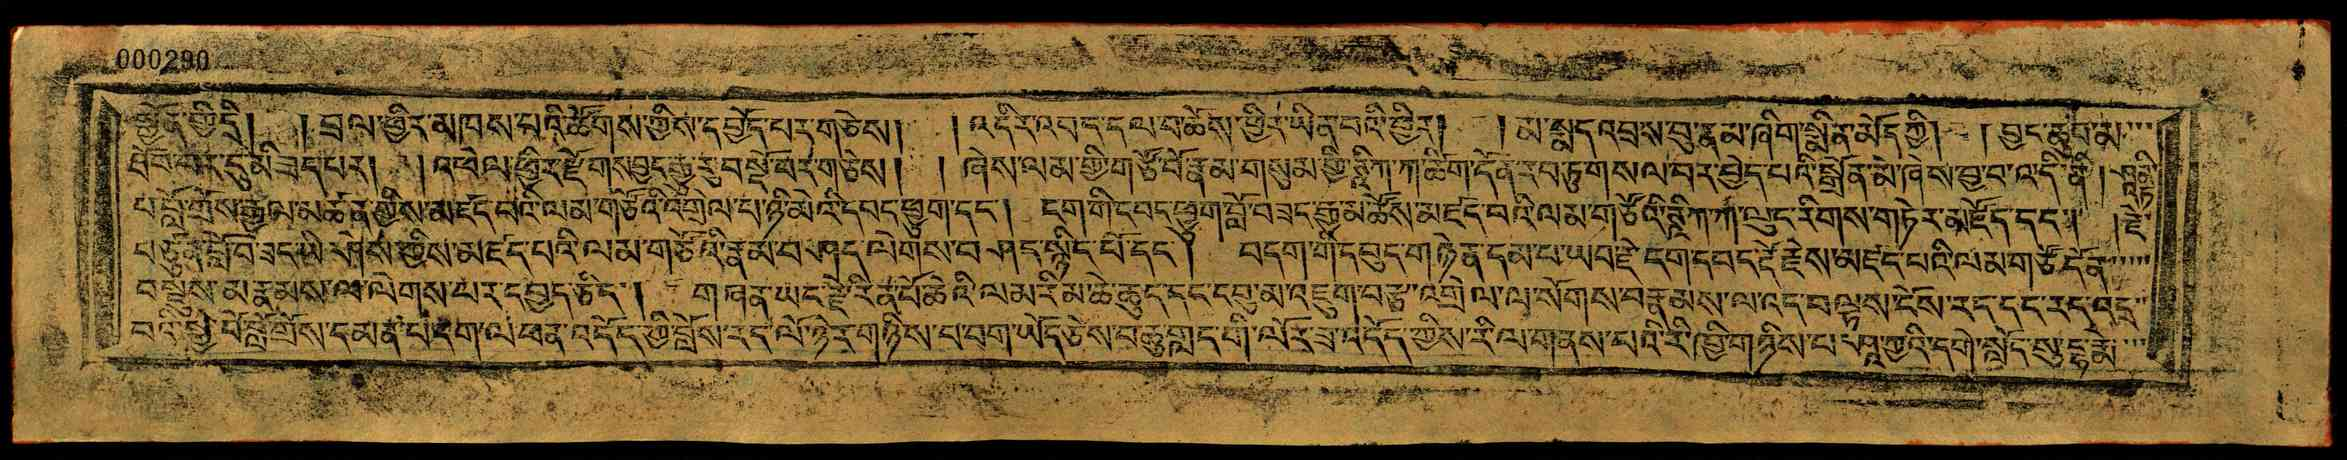སྐྱོན་གྱི་དྲི། །བྲལ་ཕྱིར་མཁས་པའི་ཚོགས་ཀྱིས་དཔྱོད་པར་གཅེས། །འདིར་འབད་ངལ་བ་ཆོས་ཕྱིར་ཡིན་པའི་ཕྱིར། །མ་སྨད་འབྲས་བུ་ནམ་ཞིག་སྨིན་མོད་ཀྱི། །བྱང་ཆུབ་མ་་་
ཐོབ་བར་དུ་མི་ཟད་པར། །འཕེལ་ཕྱིར་རྫོགས་བྱང་རྒྱུ་རུ་བ་སྔོ་བར་གཅེས། །ཞེས་ལམ་གྱི་གཙོ་བོ་རྣམ་གསུམ་གྱི་ཊཱིཀ་ཀ་ཚིག་དོན་རབ་ཏུ་གསལ་བར་བྱེད་པའི་སྒྲོན་མེ་ཞེས་བྱ་བ་འདི་ནི། ཤཱནྟི་
པ་བློ་གྲོས་རྒྱལ་མཚན་གྱིས་མཛད་པའི་ལམ་གཙོའི་འགྲེལ་པ་ཉི་མོའི་དབང་ཕྱུག་དང་། དག་གི་དབང་ཕྱུག་བློ་བཟང་རྒྱ་མཚོས་མཛད་པའི་ལམ་གཙོའི་ཊཱིཀ་ཀ་ལུང་རིགས་གཏེར་མཛོད་དང་། རྗེ་
བཙུན་བློ་བཟང་ཡེ་ཤེས་ཀྱིས་མཛད་པའི་ལམ་གཙོའི་རྣམ་བཤད་ལེགས་བཤད་སྙིང་པོ་དང་། བདག་གི་དཔུང་གཉེན་དམ་པ་ཡབ་རྗེ་ངག་དབང་རྡོ་རྗེས་མཛད་པའི་ལམ་གཙོ་དོན་་་
བསྡུས་མ་རྣམས་ལ་ལེགས་པར་དཔྱད་ཅིང་། གཞན་ཡང་རྗེ་རིན་པོ་ཆེའི་ལམ་རིམ་ཆེ་ཆུང་དང་དབུ་མ་འཇུག་པ་རྩ་འགྲེལ་ལ་སོགས་པ་རྣམས་ལའང་བལྟས་ངེས་རང་དང་རང་འདྲ་་་
བའི་སྐྱེ་བོ་བློ་གྲོས་དམན་པ་དག་ལ་ཕན་འདོད་ཀྱི་བློས་རང་ལོ་ཉེར་གཉིས་པ་བག་ཡོད་ཅེས་པ་ཆུ་གླང་གི་ལོར་ཟ་འདོད་ཀྱིས་རི་ལ་གནས་པའི་རི་ཁྱི་གཉིས་པ་ཤཱཀྱའི་དགེ་སློང་སུདྷརྨེ་་་